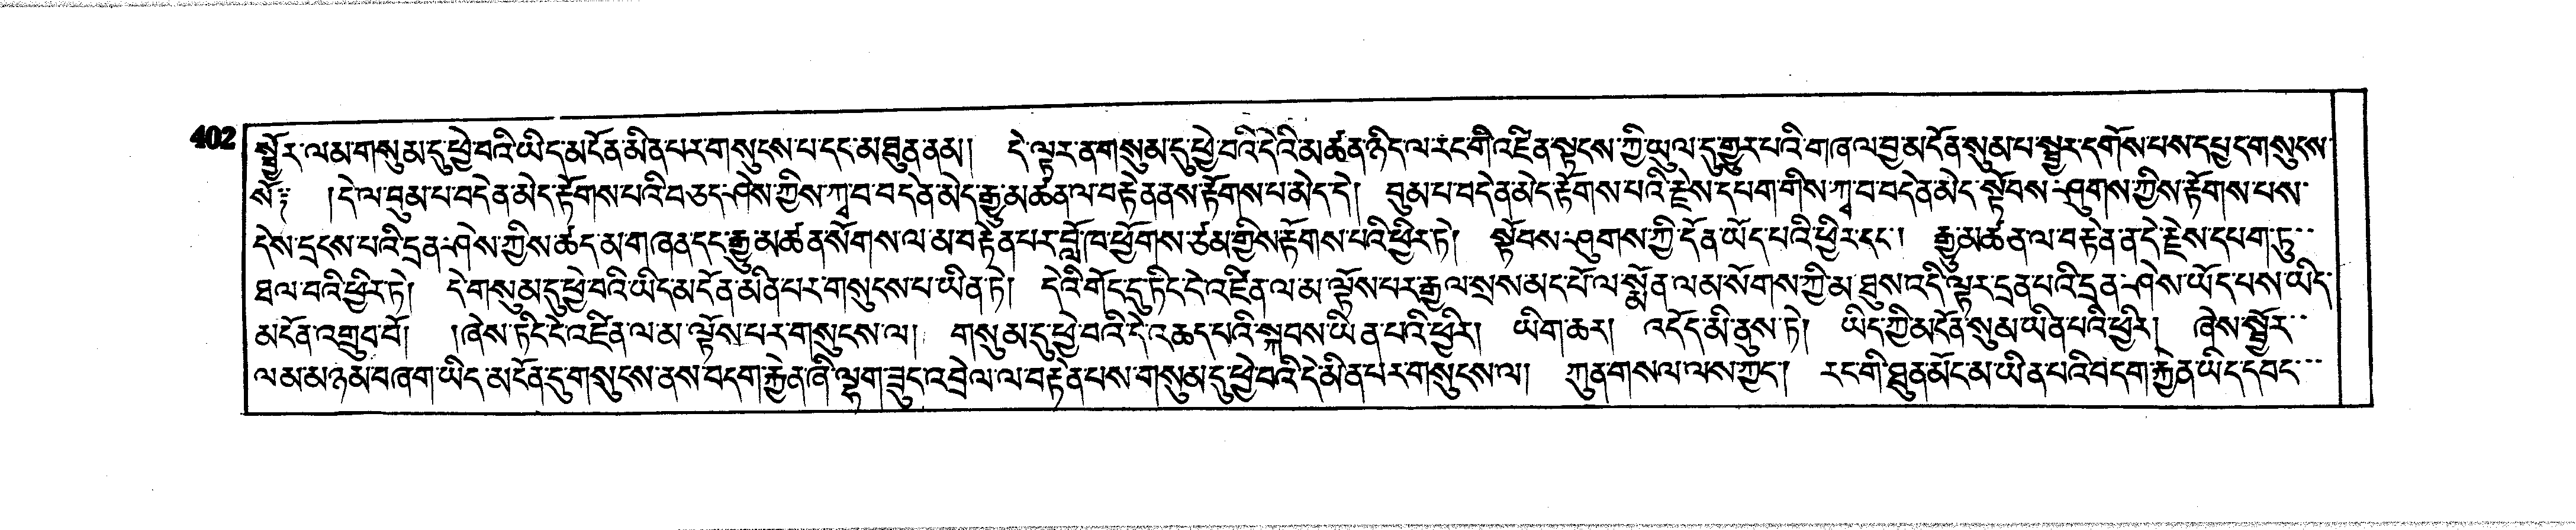སྦྱོར་ལམ་གསུམ་དུ་ཕྱེ་བའི་ཡིད་མངོན་མིན་པར་གསུངས་པ་དང་མཐུན་ནམ། དེ་ལྟར་ན་གསུམ་དུ་ཕྱེ་བའི་དེའི་མཚན་ཉིད་ལ་རང་གི་འཛིན་སྟངས་ཀྱི་ཡུལ་དུ་གྱུར་པའི་གཞལ་བྱ་མངོན་སུམ་པ་སྦྱར་དགོས་པས་དཔྱད་གསུངས་
སོ༑ །དེ་ལ་བུམ་པ་བདེན་མེད་རྟོགས་པའི་བཅད་ཤེས་ཀྱིས་ཀྭ་བ་བདེན་མེད་རྒྱུ་མཚན་ལ་བརྟེན་ནས་རྟོགས་པ་མེད་དེ། བུམ་པ་བདེན་མེད་རྟོགས་པའི་རྗེས་དཔག་གིས་ཀྭ་བ་བདེན་མེད་སྟོབས་ཤུགས་ཀྱིས་རྟོགས་པས་
དེས་དྲངས་པའི་དྲན་ཤེས་ཀྱིས་ཚད་མ་གཞན་དང་རྒྱུ་མཚན་སོགས་ལ་མ་བརྟེན་པར་བློ་ཁ་ཕྱོགས་ཙམ་གྱིས་རྟོགས་པའི་ཕྱིར་ཏེ། སྟོབས་ཤུགས་ཀྱི་དོན་ཡོད་པའི་ཕྱིར་དང་། རྒྱུ་མཚན་ལ་བརྟེན་ན་དེ་རྗེས་དཔག་ཏུ་
ཐལ་བའི་ཕྱིར་ཏེ། དེ་གསུམ་དུ་ཕྱེ་བའི་ཡིད་མངོན་མིན་པར་གསུངས་པ་ཡིན་ཏེ། དེའི་གོང་དུ་ཏིང་ངེ་འཛིན་ལ་མ་ལྟོས་པར་རྒྱལ་སྲས་མང་པོ་ལ་སྨོན་ལམ་སོགས་ཀྱི་མ་ཐུས་འདི་ལྟར་དྲན་པའི་དྲན་ཤེས་ཡོད་པས་ཡིད་
མངོན་འགྲུབ་བོ། །ཞེས་ཏིང་ངེ་འཛིན་ལ་མ་ལྟོས་པར་གསུངས་ལ། གསུམ་དུ་ཕྱེ་བའི་དེ་འཆད་པའི་སྐབས་ཡིན་པའི་ཕྱིར། ཡིག་ཆར། འདོད་མི་ནུས་ཏེ། ཡིད་ཀྱི་མངོན་སུམ་ཡིན་པའི་ཕྱིར། ཞེས་སྦྱོར་
ལམ་མཉམ་བཞག་ཡིད་མངོན་དུ་གསུངས་ནས་བདག་རྐྱེན་ཞི་ལྷག་ཟུང་འབྲེལ་ལ་བརྟེན་པས་གསུམ་དུ་ཕྱེ་བའི་དེ་མིན་པར་གསུངས་ལ། ཀུན་གསལ་ལས་ཀྱང་། རང་གི་ཐུན་མོང་མ་ཡིན་པའི་བདག་རྐྱེན་ཡིད་དབང་